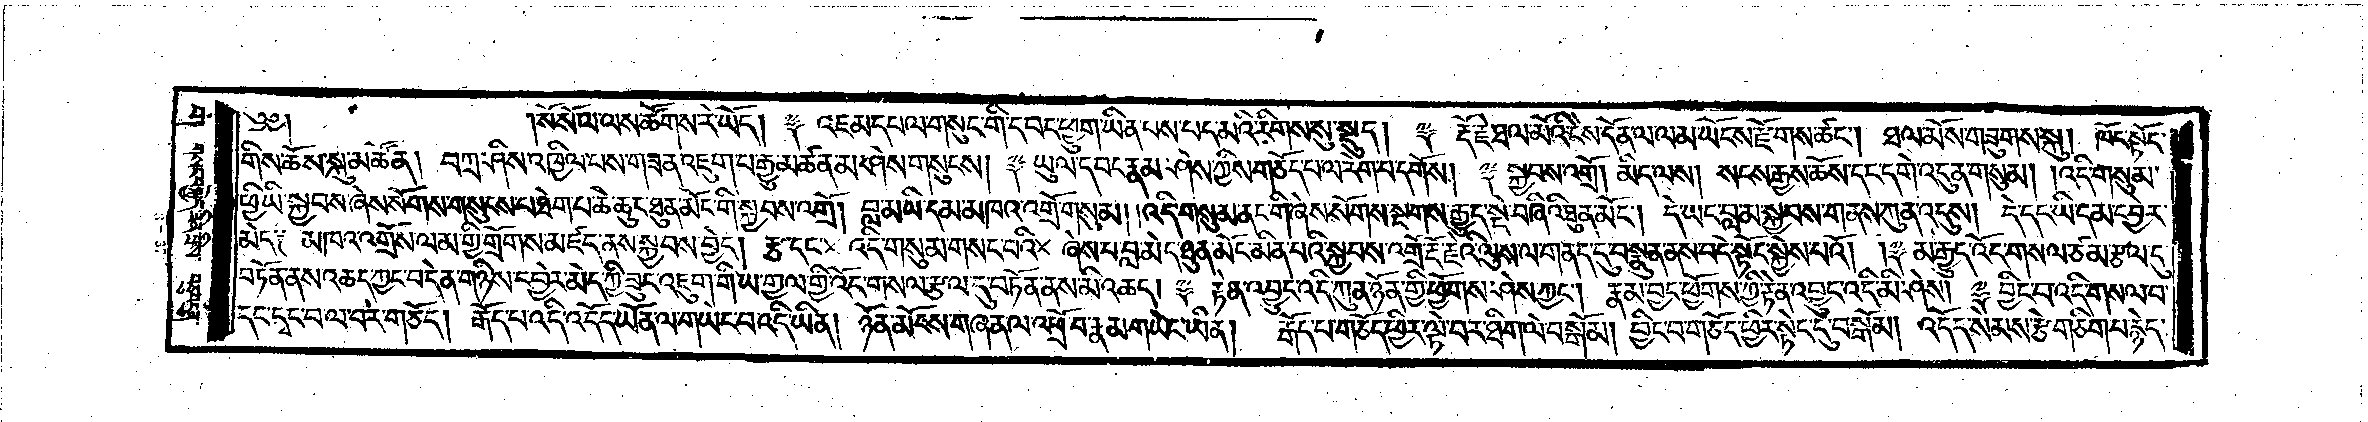༄༅། །སོ་སོ་ལ་ལས་ཚོགས་རེ་ཡོད། ༈ འཇམ་དཔལ་གསུང་གི་དབང་ཕྱུག་ཡིན་པས་པད་མའི་རིགས་སུ་སྡུད། ༈ རྡོ་རྗེ་ཐལ་མོའི་ངེས་དོན་ལ་ལམ་ཡོངས་རྫོགས་ཚང་། ཐལ་མོས་གཟུགས་སྐུ། ཁོང་སྟོང་
གིས་ཆོས་སྐུ་མཚོན། བཀྲ་ཤིས་འཁྱིལ་པས་གཟན་འཇུག་པ་རྒྱུ་མཚན་མ་ཤེས་གསུངས། ༈ ཡུལ་དབང་རྣམ་ཤེས་ཀྱིས་གཅོད་པ་ལ་རེག་པ་དགོས། ༈ སྐྱབས་འགྲོ། མིད་ལས། སངས་རྒྱས་ཆོས་དང་དགེ་འདུན་གསུམ། །འདི་གསུམ་
ཕྱི་ཡི་སྐྱབས་ཞེས་སོགས་གསུངས་པ་ཐེག་པ་ཆེ་ཆུང་ཐུན་མོང་གི་སྐྱབས་འགྲོ། བླ་མ་ཡི་དམ་མཁའ་འགྲོ་གསུམ། །འདི་གསུམ་ནང་གི་ཞེས་སོགས་སྔགས་རྒྱུད་སྡེ་བཞིའི་ཐུན་མོང་། དེ་ཡང་བླ་མ་སྐྱབས་གནས་ཀུན་འདུས། དེ་དང་ཡི་དམ་དབྱེར་
མེད༑ མཁའ་འགྲོས་ལམ་གྱི་གྲོགས་མཛད་ནས་སྐྱབས་བྱེད། རྩ་དང་྾་འདི་གསུམ་གསང་བའི་྾་ཞེས་པ་བླ་མེད་ཐུན་མོང་མིན་པའི་སྐྱབས་འགྲོ་རྡོ་རྗེའི་ལུས་ལ་གནད་དུ་བསྣུན་ནས་བདེ་སྟོང་སྐྱེས་པའོ། །༈ མ་རྒྱུད་འོད་གསལ་ཙམ་རྩལ་དུ་
བཏོན་ནས་འཆད་ཀྱང་བདེན་གཉིས་དབྱེར་མེད་ཀྱི་ཟུང་འཇུག་གི་ཡ་གྱལ་གྱི་འོང་གསལ་རྩལ་དུ་བཏོན་ནས་མི་འཆད། ༈ རྟེན་འབྱུང་འདི་ཀུན་ཉོན་གྱི་ཕྱོགས་ཤེས་ཀྱང་། རྣམ་བྱང་ཕྱོགས་ཀྱི་རྟེན་འབྱུང་འདི་མི་ཤེས། ༈ བྱིང་བ་འདི་གསལ་བ་
དང་དྭང་བ་ལ་བར་གཅོད། རྒོད་པ་འདི་འདོད་ཡོན་ལ་གཡེང་བ་འདི་ཡིན། ཉོན་མོངས་གཞན་ལ་འཕྲོ་བ་རྣམ་གཡེང་ཡིན། རྒོད་པ་གཅོད་ཕྱིར་ལྟེ་བར་ཐིག་ལེ་བསྒོམ། བྱིང་བ་གཅོད་ཕྱིར་སྟེང་དུ་བསྒོམ། འདོད་སེམས་རྩེ་གཅིག་པ་རྙེད་